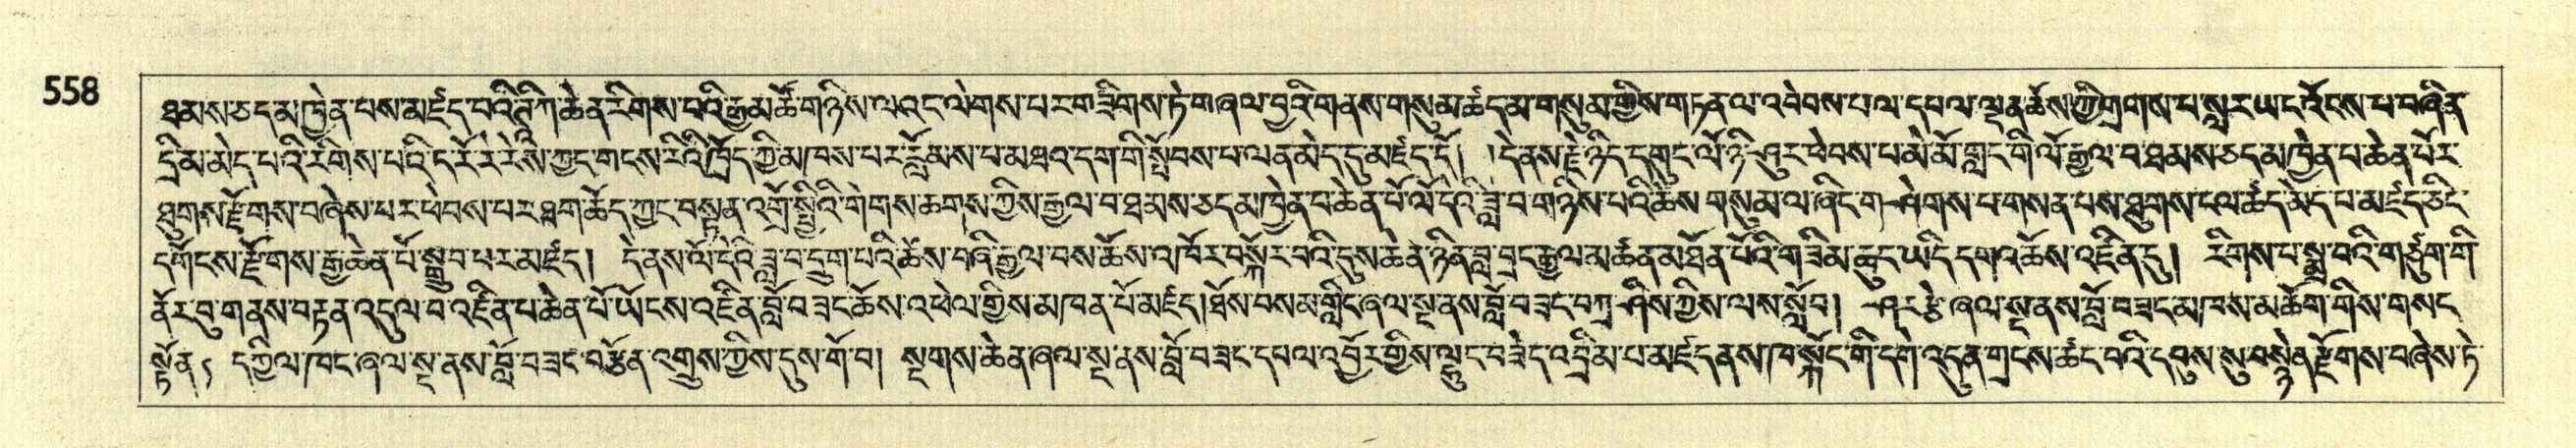ཐམས་ཅད་མཁྱེན་པས་མཛད་པའི་ཊཱིཀ་ཆེན་རིགས་པའི་རྒྱ་མཚོ་གཉིས་ལའང་ལེགས་པར་གཟིགས་ཏེ་གཞལ་བྱའི་གནས་གསུམ་ཚད་མ་གསུམ་གྱིས་གཏན་ལ་འབེབས་པ་ལ་དཔལ་ལྡན་ཆོས་ཀྱི་གྲགས་པ་སླར་ཡང་འོངས་པ་བཞིན་
དྲི་མ་མེད་པའི་རིགས་པའི་ང་རོ་རེ་རེས་ཀྱང་གངས་རིའི་ཁྲོད་ཀྱི་མཁས་པར་རློམས་པ་མཐའ་དག་གི་སྤོབས་པ་ལན་མེད་དུ་མཛད་དོ། །དེ་ནས་རྗེ་ཉིད་དགུང་ལོ་ཉི་ཤུར་ཕེབས་པ་མེ་མོ་གླང་གི་ལོ་རྒྱལ་བ་ཐམས་ཅད་མཁྱེན་པ་ཆེན་པོར་
ཐུགས་རྫོགས་བཞེས་པར་ཕེབས་པར་ཐག་ཆོད་ཀྱང་བསྟན་འགྲོ་སྤྱིའི་གེགས་ཆགས་ཀྱིས་རྒྱལ་བ་ཐམས་ཅད་མཁྱེན་པ་ཆེན་པོ་ལོ་དེའི་ཟླ་བ་གཉིས་པའི་ཚེས་གསུམ་ལ་ཞིང་གཤེགས་པ་གསན་པས་ཐུགས་ངལ་ཚད་མེད་པ་མཛད་ཅིང་
དགོངས་རྫོགས་རྒྱ་ཆེན་པོ་སྒྲུབ་པར་མཛད། དེ་ནས་ལོ་དེའི་ཟླ་བ་དྲུག་པའི་ཚེས་བཞི་རྒྱལ་བས་ཆོས་འཁོར་བསྐོར་བའི་དུས་ཆེན་ཉིན་བླ་བྲང་རྒྱལ་མཚན་མཐོན་པོའི་གཟིམ་ཆུང་ཡིད་དགའ་ཆོས་འཛིན་དུ། རིགས་པ་སྨྲ་བའི་གཙུག་གི་
ནོར་བུ་གནས་བརྟན་འདུལ་བ་འཛིན་པ་ཆེན་པོ་ཡོངས་འཛིན་བློ་བཟང་ཆོས་འཕེལ་གྱིས་མཁན་པོ་མཛད། ཐོས་བསམ་གླིང་ཞལ་སྔ་ནས་བློ་བཟང་བཀྲ་ཤིས་ཀྱིས་ལས་སློབ། ཤར་རྩེ་ཞལ་སྔ་ནས་བློ་བཟང་མཁས་མཆོག་གིས་གསང་
སྟོན༑ དཀྱིལ་ཁང་ཞལ་སྔ་ནས་བློ་བཟང་བརྩོན་འགྲུས་ཀྱིས་དུས་གོ་བ། སྔགས་ཆེན་ཞལ་སྔ་ནས་བློ་བཟང་དཔལ་འབྱོར་གྱིས་ལྷུང་བཟེད་འབྲིམ་པ་མཛད་ནས་ཁ་སྐོང་གི་དགེ་འདུན་གྲངས་ཚང་བའི་དབུས་སུ་བསྙེན་རྫོགས་བཞེས་ཏེ་